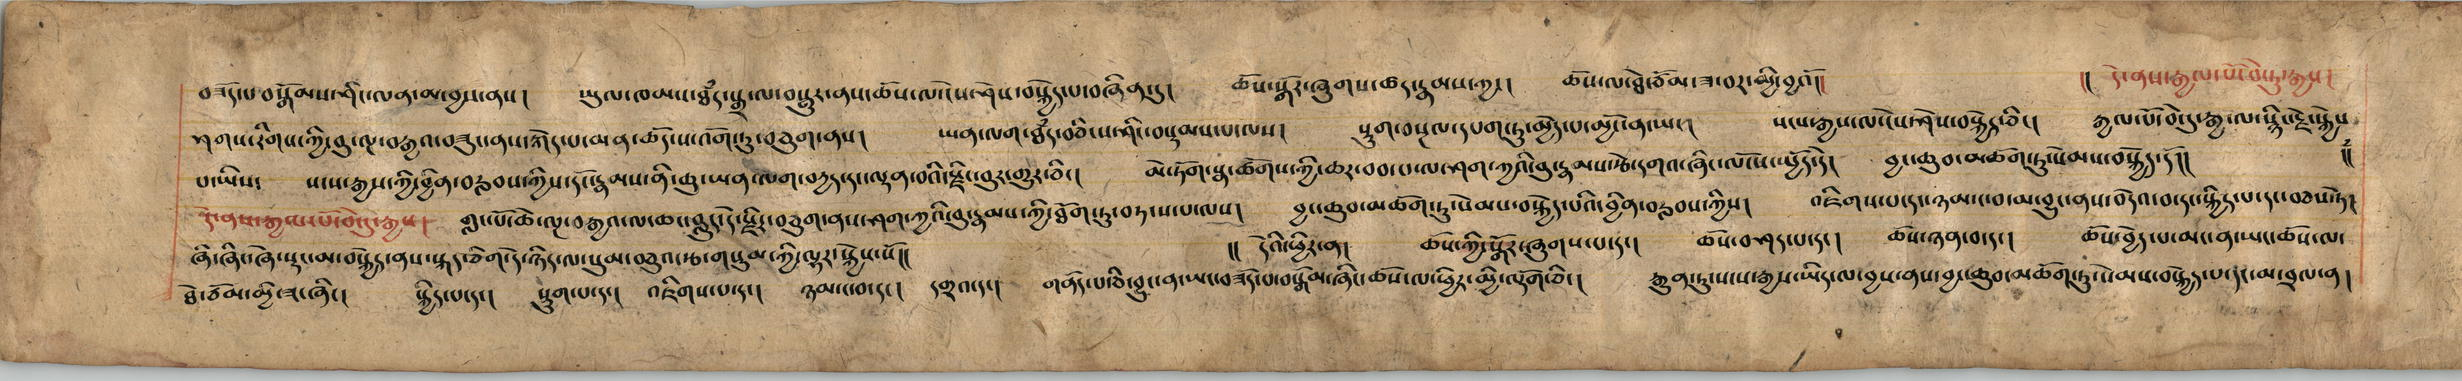བཟོད་པ་བསྒོམས་ཤིང་ལན་མ་བྱས་ནས། ཡུལ་ཁམས་ཐཾད་སྒྲ་ལ་བསྒྱུར་ནས་ཆོས་ལ་ངེས་ཤེས་བསྐྱེད་པ་བཞིན་དུ། ཆོས་སྒོར་ཞུགས་ཚད་རྣམས་ཀྱང། ཆོས་ལ་ཐེ་ཙོམ་ཟ་བར་མྱི་བྱའོ།། །། དེ་ནས་རྒྱལ་པོ་བེ་ཏུ་རྒྱས།
ཤགས་རིགས་ཀྱི་བུ་ལྔ་བརྒྱའ་བཟུང་ནས་རྐེད་པ་མན་ཆོད་ས་འོག་ཏུ་བཅུག་ནས། ཡན་ལག་ཐཾད་བཅིངས་ཤིང་བསྡམས་པ་ལས། སྡུག་བསྔལ་དཔག་ཏུ་མྱེད་པ་མྱོང་ན་ཡང། སངས་རྒྱས་ལ་ངེས་ཤེས་བསྐྱེད་ཅིང། རྒྱལ་པོ་བེ་ཏུ་རྒྱ་ལ་སྙིང་རྗེ་སྐྱེས
པ་ཡིས་ སངས་རྒྱས་ཀྱི་བྱིན་བརླབས་ཀྱིས་དོ་རྣམས་ནི་ཆུ་ཡན་ལག་བརྱད་དང་ལྡན་བའི་སྫིང་བུར་གྱུར་ཅིང། མེ་ཏོག་སྣ་ཚོགས་ཀྱི་ཆར་བབ་པ་ལ་ཤག་ཀྱའི་བུ་རྣམས་རྩེ་དགའ་ཞིང་ལོངས་སྤྱོད་དེ། བྱང་ཆུབ་མཆོག་ཏུ་སེམས་བསྐྱེད་དོ།།
དེ་ནས་རྒྱལ་པོ་བེ་དུ་རྒྱས། གླང་པོ་ཆེ་ལྔ་བརྒྱའ་ལ་ཆང་བླུད་དེ་སྫིར་བཅུག་ནས་ཤག་ཀྱའི་བུ་རྣམས་ཀྱི་ཐོག་ཏུ་བཏངས་པ་ལས། བྱང་ཆུབ་མཆོག་ཏུ་སེམས་བསྐྱེད་པའི་བྱིན་བརླབས་ཀྱིས། འཇིགས་པ་དང་ཉམ་ང་བ་མ་བྱུང་ནས་བདེའ་བ་དང་སྐྱིད་པ་དང་བཅས་ཏེ།
ཞི་ཞིང་ཞེ་སྡང་མ་བསྐྱེད་ནས་སྐད་ཅིག་དེ་ཉིད་ལ་སུམ་བཅུའ་རྩ་གསུམ་ཀྱི་ལྷར་སྐྱེས་སོ།། །། དེའི་ཕྱིར་ན། ཆོས་ཀྱི་སྒོར་ཞུགས་པ་དང། ཆོས་བཤད་པ་དང། ཆོས་ཉན་བ་དང། ཆོས་བྱེད་པ་མང་ན་ཡང་ཆོས་ལ་
ཐེ་ཙོམ་མྱི་ཟ་ཞིང། སྐྱིད་པ་དང། སྡུག་པ་དང། འཇིག་པ་དང། ཉམ་ང་བ་དང། དགྲའ་དང། གནོད་པ་ཅི་བྱུང་ན་ཡང་བཟོད་པ་བསྒོམ་ཞིང་ཆོས་ལ་ཕྱིར་མྱི་ལྡོག་ཅིང། རྒྱུན་ཏུ་སངས་རྒྱས་ཡིད་ལ་བྱས་ནས་བྱང་ཆུབ་མཆོག་ཏུ་སེམས་བསྐྱེད་པ་དང་མ་བྲལ་ན།